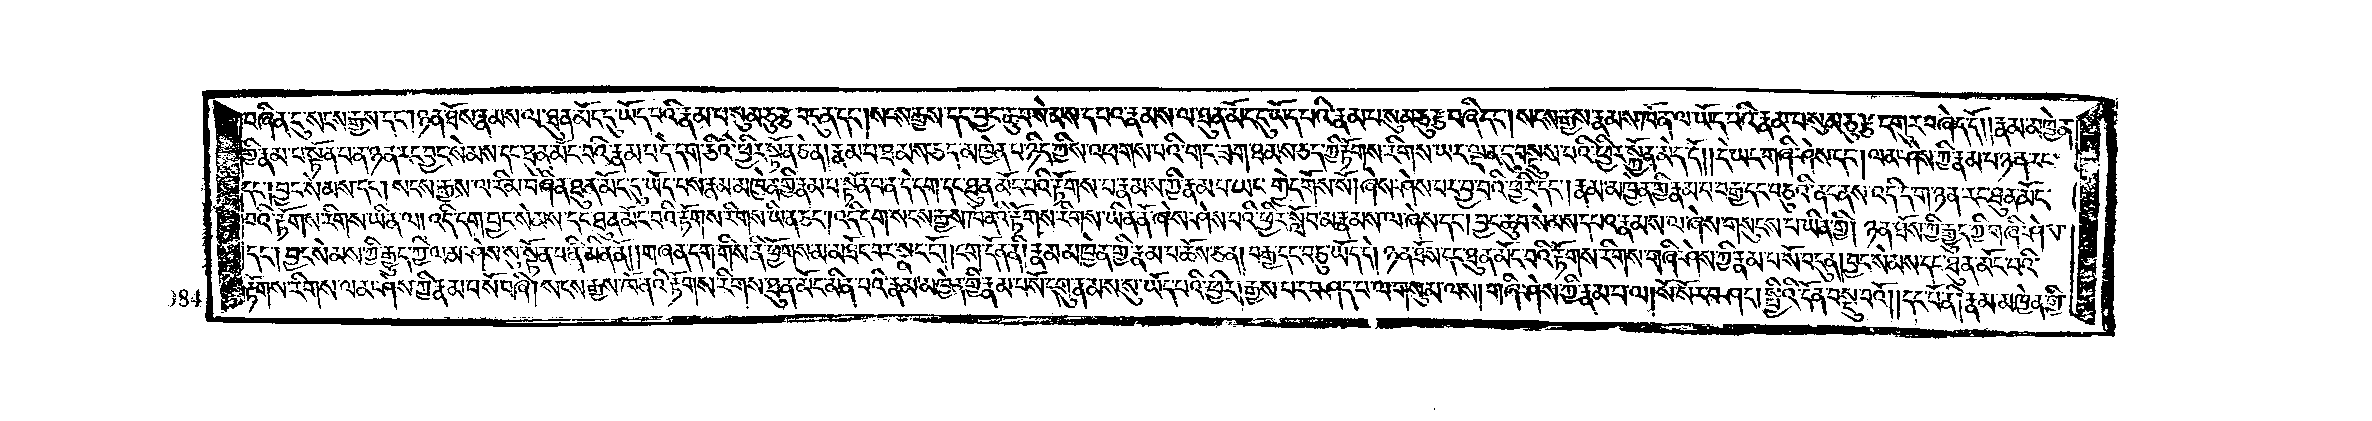བཞིན་དུ་སངས་རྒྱས་དང་། ཉན་ཐོས་རྣམས་ལ་ཐུན་མོང་དུ་ཡོད་པའི་རྣམ་པ་སུམ་ཅུ་རྩ་བདུན་དང་། སངས་རྒྱས་དང་བྱང་ཆུབ་སེམས་དཔའ་རྣམས་ལ་ཐུན་མོང་དུ་ཡོད་པའི་རྣམ་པ་སུམ་ཅུ་རྩ་བཞི་དང་། སངས་རྒྱས་རྣམས་ཁོ་ན་ལ་ཡོད་པའི་རྣམ་པ་སུམ་ཅུ་རྩ་དགུར་བཞེད་དོ། །རྣམ་མཁྱེན་
གྱི་རྣམ་པ་སྟོན་པ་ན་ཉན་རང་བྱང་སེམས་དང་ཐུན་མོང་བའི་རྣམ་པ་དེ་དག་ཅིའི་ཕྱིར་སྟོན་ཅེ་ན། རྣམ་པ་ཐམས་ཅད་མཁྱེན་པ་ཉིད་ཀྱིས་འཕགས་པའི་གང་ཟག་ཐམས་ཅད་ཀྱི་རྟོགས་རིགས་ཡར་ལྡན་དུ་བསྡུས་པའི་ཕྱིར་སྐྱོན་མེད་དོ། །དེ་ཡང་གཞི་ཤེས་དང་། ལམ་ཤེས་ཀྱི་རྣམ་པ་ཉན་རང་
དང་། བྱང་སེམས་དང་། སངས་རྒྱས་ལ་རིམ་བཞིན་ཐུན་མོང་དུ་ཡོད་པས་རྣམ་མཁྱེན་གྱི་རྣམ་པ་སྟོན་པ་ན་དེ་དག་དང་ཐུན་མོང་པའི་རྟོགས་པ་རྣམས་ཀྱི་རྣམ་པ་ཡང་གྱི་དགོས་སོ། ཞེས་ཤེས་པར་བྱ་བའི་ཕྱིར་དང་། རྣམ་མཁྱེན་གྱི་རྣམ་པ་བརྒྱ་དང་བཅུའི་ནང་ནས་འདི་དག་ཉན་རང་ཐུན་མོངས་
པའི་རྟོགས་རིགས་ཡིན་ལ། འདི་དག་བྱང་སེམས་དང་ཐུན་མོང་བའི་རྟོགས་རིགས་ཡིན་ཅིང་། འདི་དག་སངས་རྒྱས་ཁོ་ནའི་རྟོགས་རིགས་ཡིན་ནོ་ཞེས་ཤེས་པའི་ཕྱིར་སློབ་མ་རྣམས་ལ་ཞེས་དང་། བྱང་ཆུབ་སེམས་དཔའ་རྣམས་ལ་ཞེས་གསུངས་པ་ཡིན་གྱི། ཉན་ཐོས་ཀྱི་རྒྱུད་ཀྱི་གཞི་ཤེས་
དང་། བྱང་སེམས་ཀྱི་རྒྱུད་ཀྱི་ལམ་ཤེས་སུ་སྟོན་པ་ནི་མིན་ནོ། །གཞན་དག་གིས་ནི་ཕྱོགས་མ་མཐོང་བར་སྣང་ངོ། །ངག་དོན་ནི། རྣམ་མཁྱེན་གྱི་རྣམ་པ་ཆོས་ཅན། བརྒྱ་དང་བཅུ་ཡོད་དེ། ཉན་ཐོས་དང་ཐུན་མོང་བའི་རྟོགས་རིགས་གཞི་ཤེས་ཀྱི་རྣམ་པ་སོ་བདུན། བྱང་སེམས་དང་ཐུན་མོང་པའི་
རྟོགས་རིགས་ལམ་ཤེས་ཀྱི་རྣམ་པ་སོ་བཞི། སངས་རྒྱས་ཁོ་ནའི་རྟོགས་རིགས་ཐུན་མོང་མིན་པའི་རྣམ་མཁྱེན་གྱི་རྣམ་པ་སོ་དགུ་རྣམས་སུ་ཡོད་པའི་ཕྱིར། རྒྱས་པར་བཤད་པ་ལ་གསུམ་ལས། གཞི་ཤེས་ཀྱི་རྣམ་པ་ལ། སོ་སོར་བཤད། སྤྱིའི་དོན་བསྡུ་བའོ། །དང་པོ་ནི། རྣམ་མཁྱེན་གྱི་